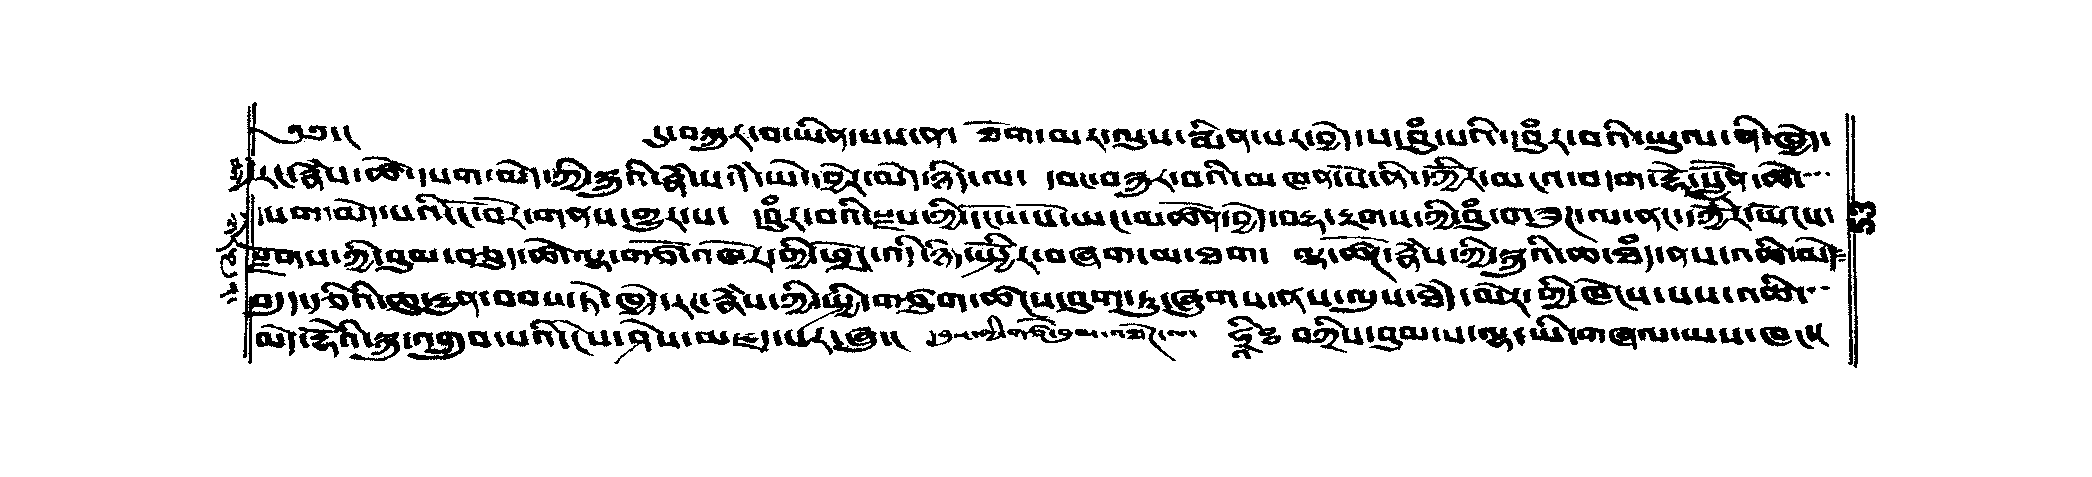དུ་བསྐུར་བ་ཡིན་པས་ན། ཐོག་མར་ལུས་སྨིན་པར་བྱེད་པ་བུམ་པའི་དབང་བསྐུར་བའི་ཡུལ་ནི་ཁྱེད་
རང་རྣམས་ཚེ་དཔག་མེད་ཀྱི་སྐུའི་རྣམ་པ་དམ་ཡེ་དབྱེར་མེད་ཉིད་ལ། དབང་བསྐུར་བའི་མཁན་པོ་ནི་དཀྱིལ་འཁོར་མངའ་བདག་རྡོ་རྗེ་སློབ་དཔོན་ཚེ་
དཔག་མེད་པའི་ངོ་བོར་གནས་གྱུར་པ། དབང་བསྐུར་བའི་རྫས་ཀྱི་དངོས་པོ་ཡང་མཚོན་བྱེད་བརྡ་རྟགས་ཀྱི་བུམ་གཟུགས་ལ་ནང་དཀྱིལ་འཁོར་ཡོངས་
རྫོགས་ཀྱིུ་བུམ་བཅུད་ཆེ་ལྷ་གཙོ་འཁོར་གྱི་ཕོ་བྲང་འདི་ཉིད་སྤྱི་བོར་བཞག་མ་ཐག ལྷ་ཚོགས་རྣམས་ཀྱི་སྐུའི་ཚ་ཐམས་ཅད་ནས་འཆི་མེད་
བདུད་རྩིའི་ཆུ་རྒྱུན་བབས་ཏེ་ཁྱེད་རང་རྣམས་ཀྱི་སྤྱི་གཙུག་ཚངས་བུག་ཏུ་ཞུགས་ནས་ལུས་ཐམས་ཅད་མེར་གྱི་ཁེངས་པས་འཆི་
མེད་རྡོ་རྗེའི་སྐུ་འགྲུབ་པའི་ངེས་ཤེས་མཛད་པར་ཞུ།དབུས་ཀྱི་གཙོ་བུམ་འཐོགས་ལ། ཧྲཱིཿ བཀྲ་ཤིས་བུམ་པ་ལྷ་ཡི་གཞལ་ཡས་ཁང་།